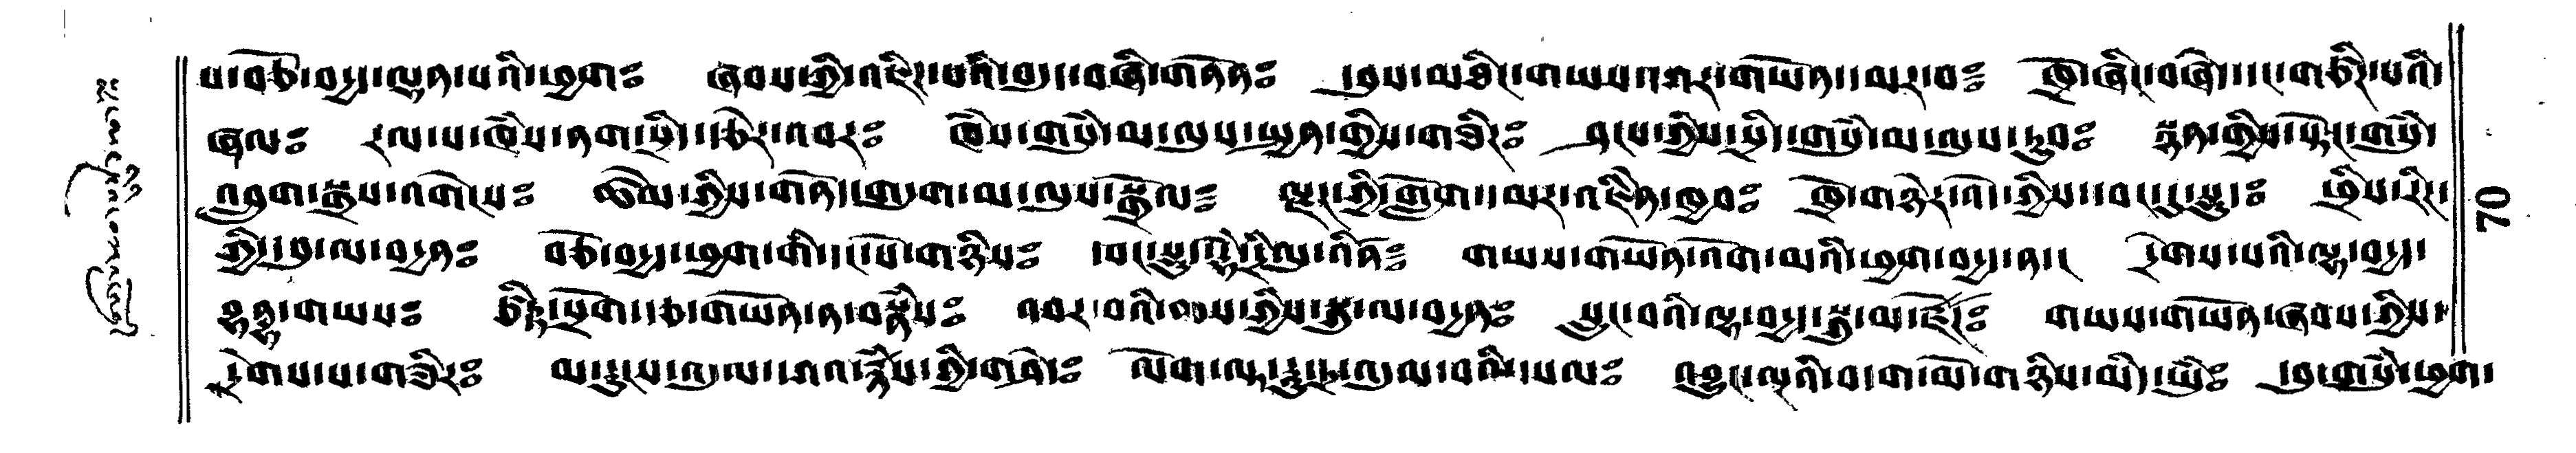པ་བཅོ་བརྒྱད་ལྡན་པའི་ཕྱགཿ ཞབས་ཀྱིས་འཇིགས་པའི་བདུད་བཞི་གནོནཿ དབུས་མཐིང་གཡས་དཀར་ཡོན་དམར་བཿ ཁྲོ་ཞིང་བཞེད་དང་གཙིགས་པའི་
ཞལཿ རལ་པ་ཁམ་ནག་སྲིད་རྩེར་འབརཿ ཁམས་གསུམ་མ་ལུས་སྤྱན་གྱིས་གཟིགསཿ ཤངས་ཀྱིས་སྲིད་གསུམ་མ་ལུས་རྔུབཿ སྙན་གྱིས་སྟོང་གསུམ་
འབྲུག་སྒྲས་འགེང་ཿ ཚེམ་གྱིས་གནོད་གདུག་མ་ལུས་སྒྲོལཿ ལྗགས་ཀྱིས་གློག་དམར་འཇིག་རྟེན་ཁྱབཿ ཁྲོ་གཉེར་འོད་ཀྱིས་དབང་དུ་སྡུདཿ ཕྲིན་ལས་རིགས་
ཀྱིས་དབུ་ལ་བརྒྱནཿབཅོ་བརྒྱད་ཕྱག་གི་དང་པོ་གཉིསཿ དབང་སྡུད་རྡོ་རྗེ་དྲིལ་བུ་འཛིནཿ གཡས་གཡོན་འོག་མའི་ཕྱག་བརྒྱད་ནཿ དྲེགས་པའི་ལྷ་བརྒྱད་
བྷ་ནྡྷ་གཡསཿ ཙིཏྟ་སྲོག་རྩ་གཡོན་ན་བསྣམསཿ འབར་བའི་ཆས་ཀྱིས་སྐུ་ལ་བརྒྱནཿ སྲུང་བའི་ལྷ་བརྒྱད་སྐུ་ལ་རྫོགསཿ གཡས་གཡོན་ཞབས་ཀྱིས་
དྲེགས་པ་གཟིརཿ མ་རུངས་འདུལ་དཀའ་རྣམས་ཀྱི་གཤེདཿ ལོག་ལྟ་རཱུཏྲ་འདུལ་བའི་དཔལཿ འབྱུང་ལྔའི་བདག་མོ་གཉིས་མེད་ཡུམཿ དབུ་གསུམ་ཕྱག་